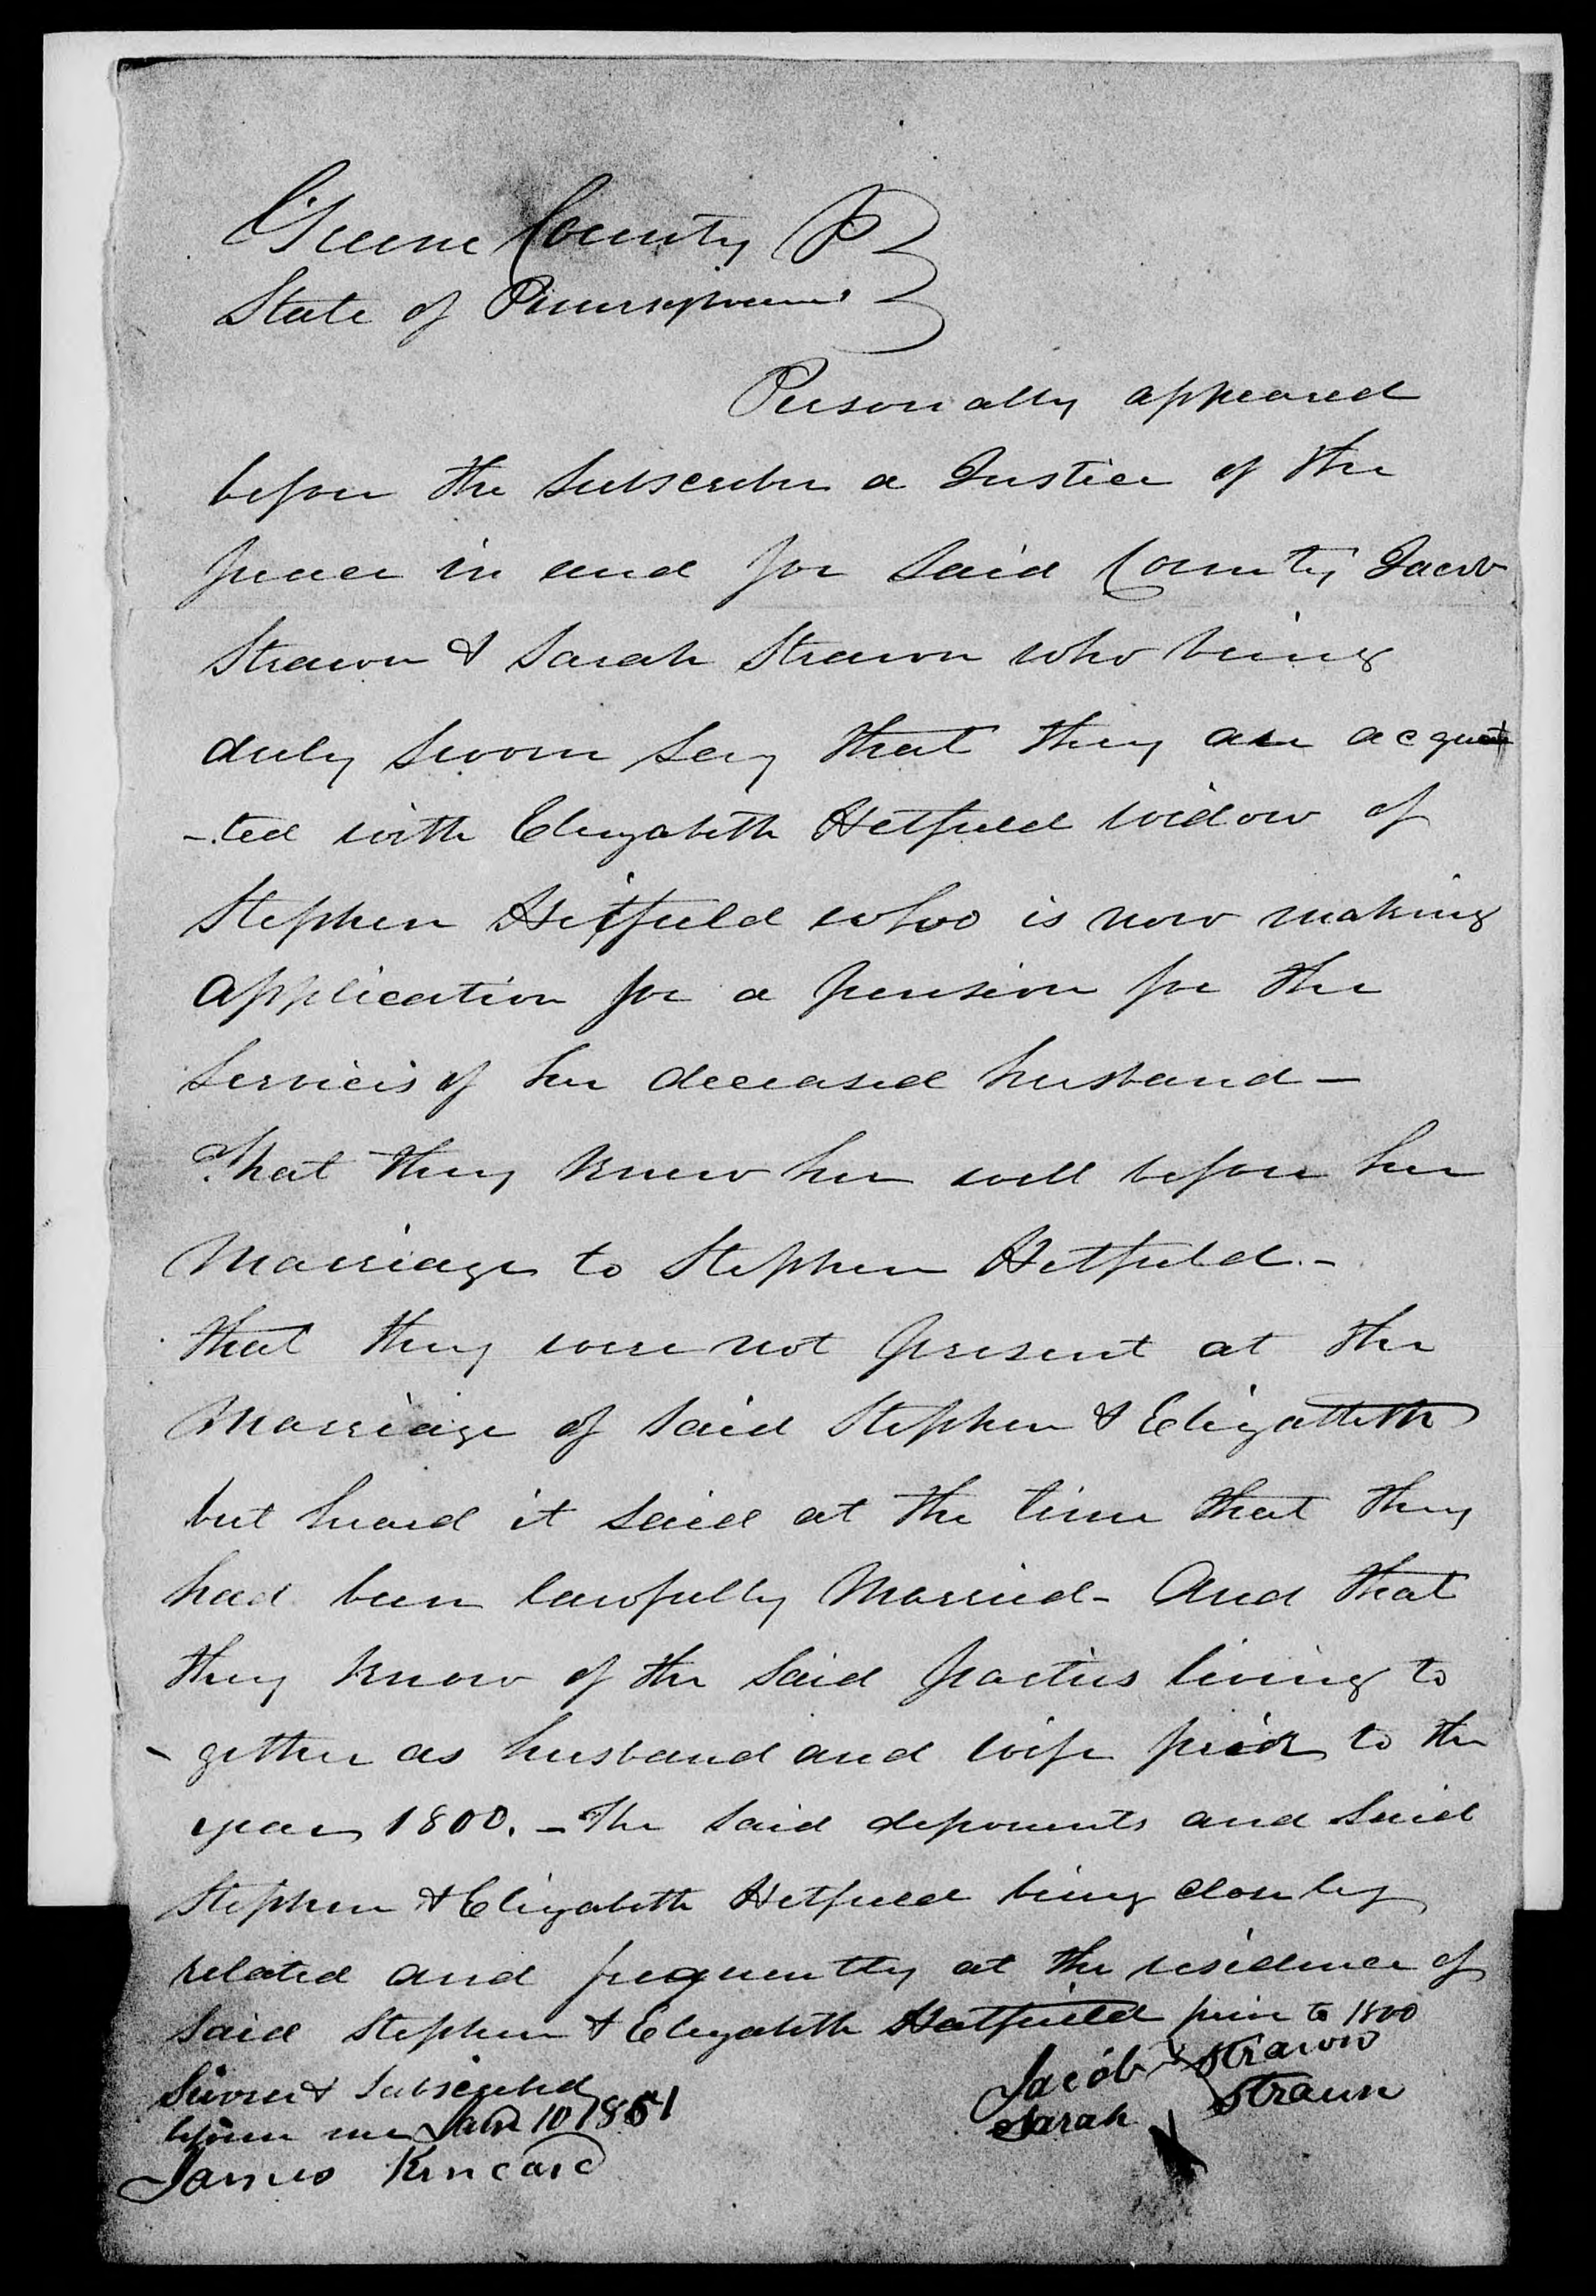Greene County Ss
State of Pennsylvania

Personally appeared
before the Subscriber a Justice of the
peace in and for Said County Jacob
Strawn & Sarah Strawn who being
duly Sworn say that they are acquanted
with Elizabeth Hetfield widow of
Stephen Hetfield who is now making
application for a pension for the
Services of her deceased husband -
That they knew her well before her
Marriage to Stephen Hetfield -
That they were not present at the
Marriage of said Stephen & Elizabeth
but heard it said at the time that they
had been lawfully married. And that
they knew of the said parties living
together as husband and wife pro'r to the
year 1800. - The said deponents and said
Stephen & Elizabeth Hetfield being closely
related and frequently at the residence of
Said Stephen & Elizabeth Hatfield prior to 1800
Sworn & Subscribed
before me   Jan 10 1851
James Kincaid

Jacob Strawn
Sarah X  Strawn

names: Sarah Strawn, Jacob Strawn, Elizabeth, Elizabeth Hetfield, Sarah Strawn, Jacob Strawn, Stephen Hatfield, Stephen Hetfield, Stephen, Stephen Hetfield, Elizabeth Hetfield, James Kincard, Stephen Hetfield, Elizabeth Hatfield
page: 35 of 45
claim: widow's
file: W. 2734, Stephen Hetfield, New Jersey